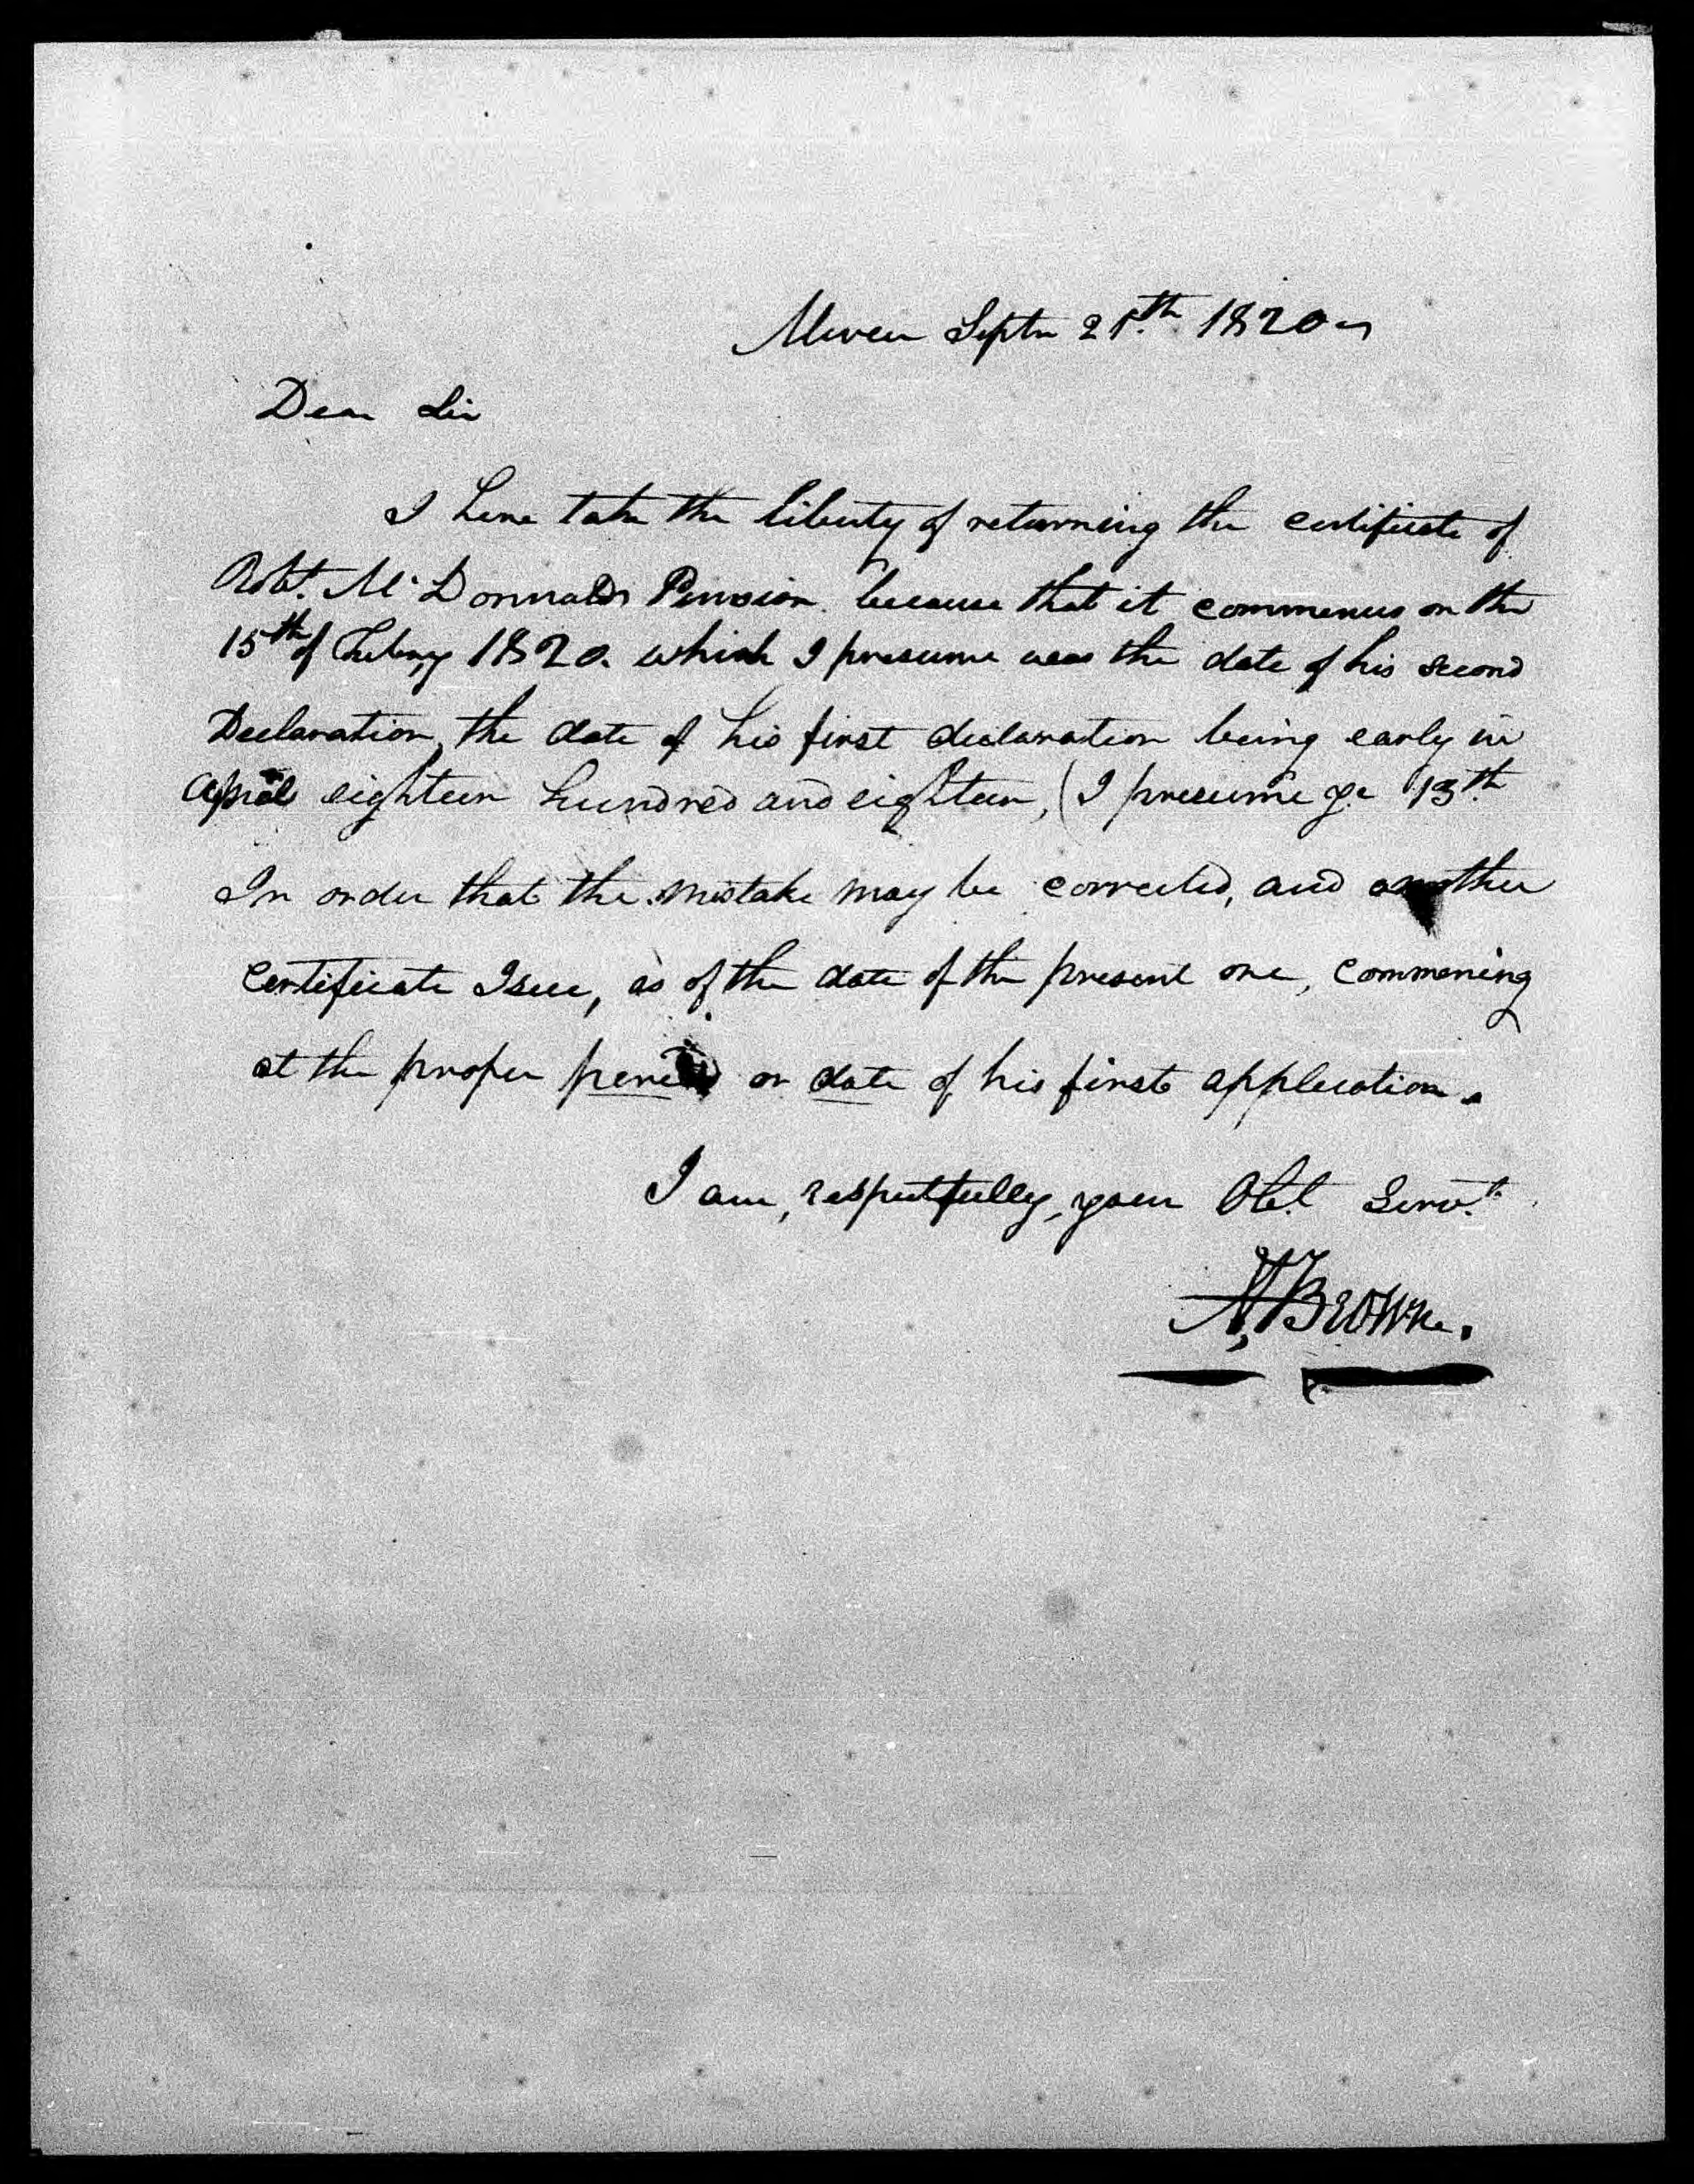Mercer September 28th 1820
Dear Sir
I have taken the liberty of returning the certificate of Robert McDonald's Pension because that it commences on the 11th of February 1820 which I presume was the date of his second Declaration that date of his first declaration being early in April eighteen hundred and eighteen. (I presume of 13th )
In order that the mistake may be corrected, and another Certificate Issued as of the date of the present one, commencing at the proper period or date of his first application. I am respectfully your Obt. Serv.t
A Brown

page: 31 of 59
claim: widow's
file: W 3703, for Robert Mc Donald, Pennsylvania